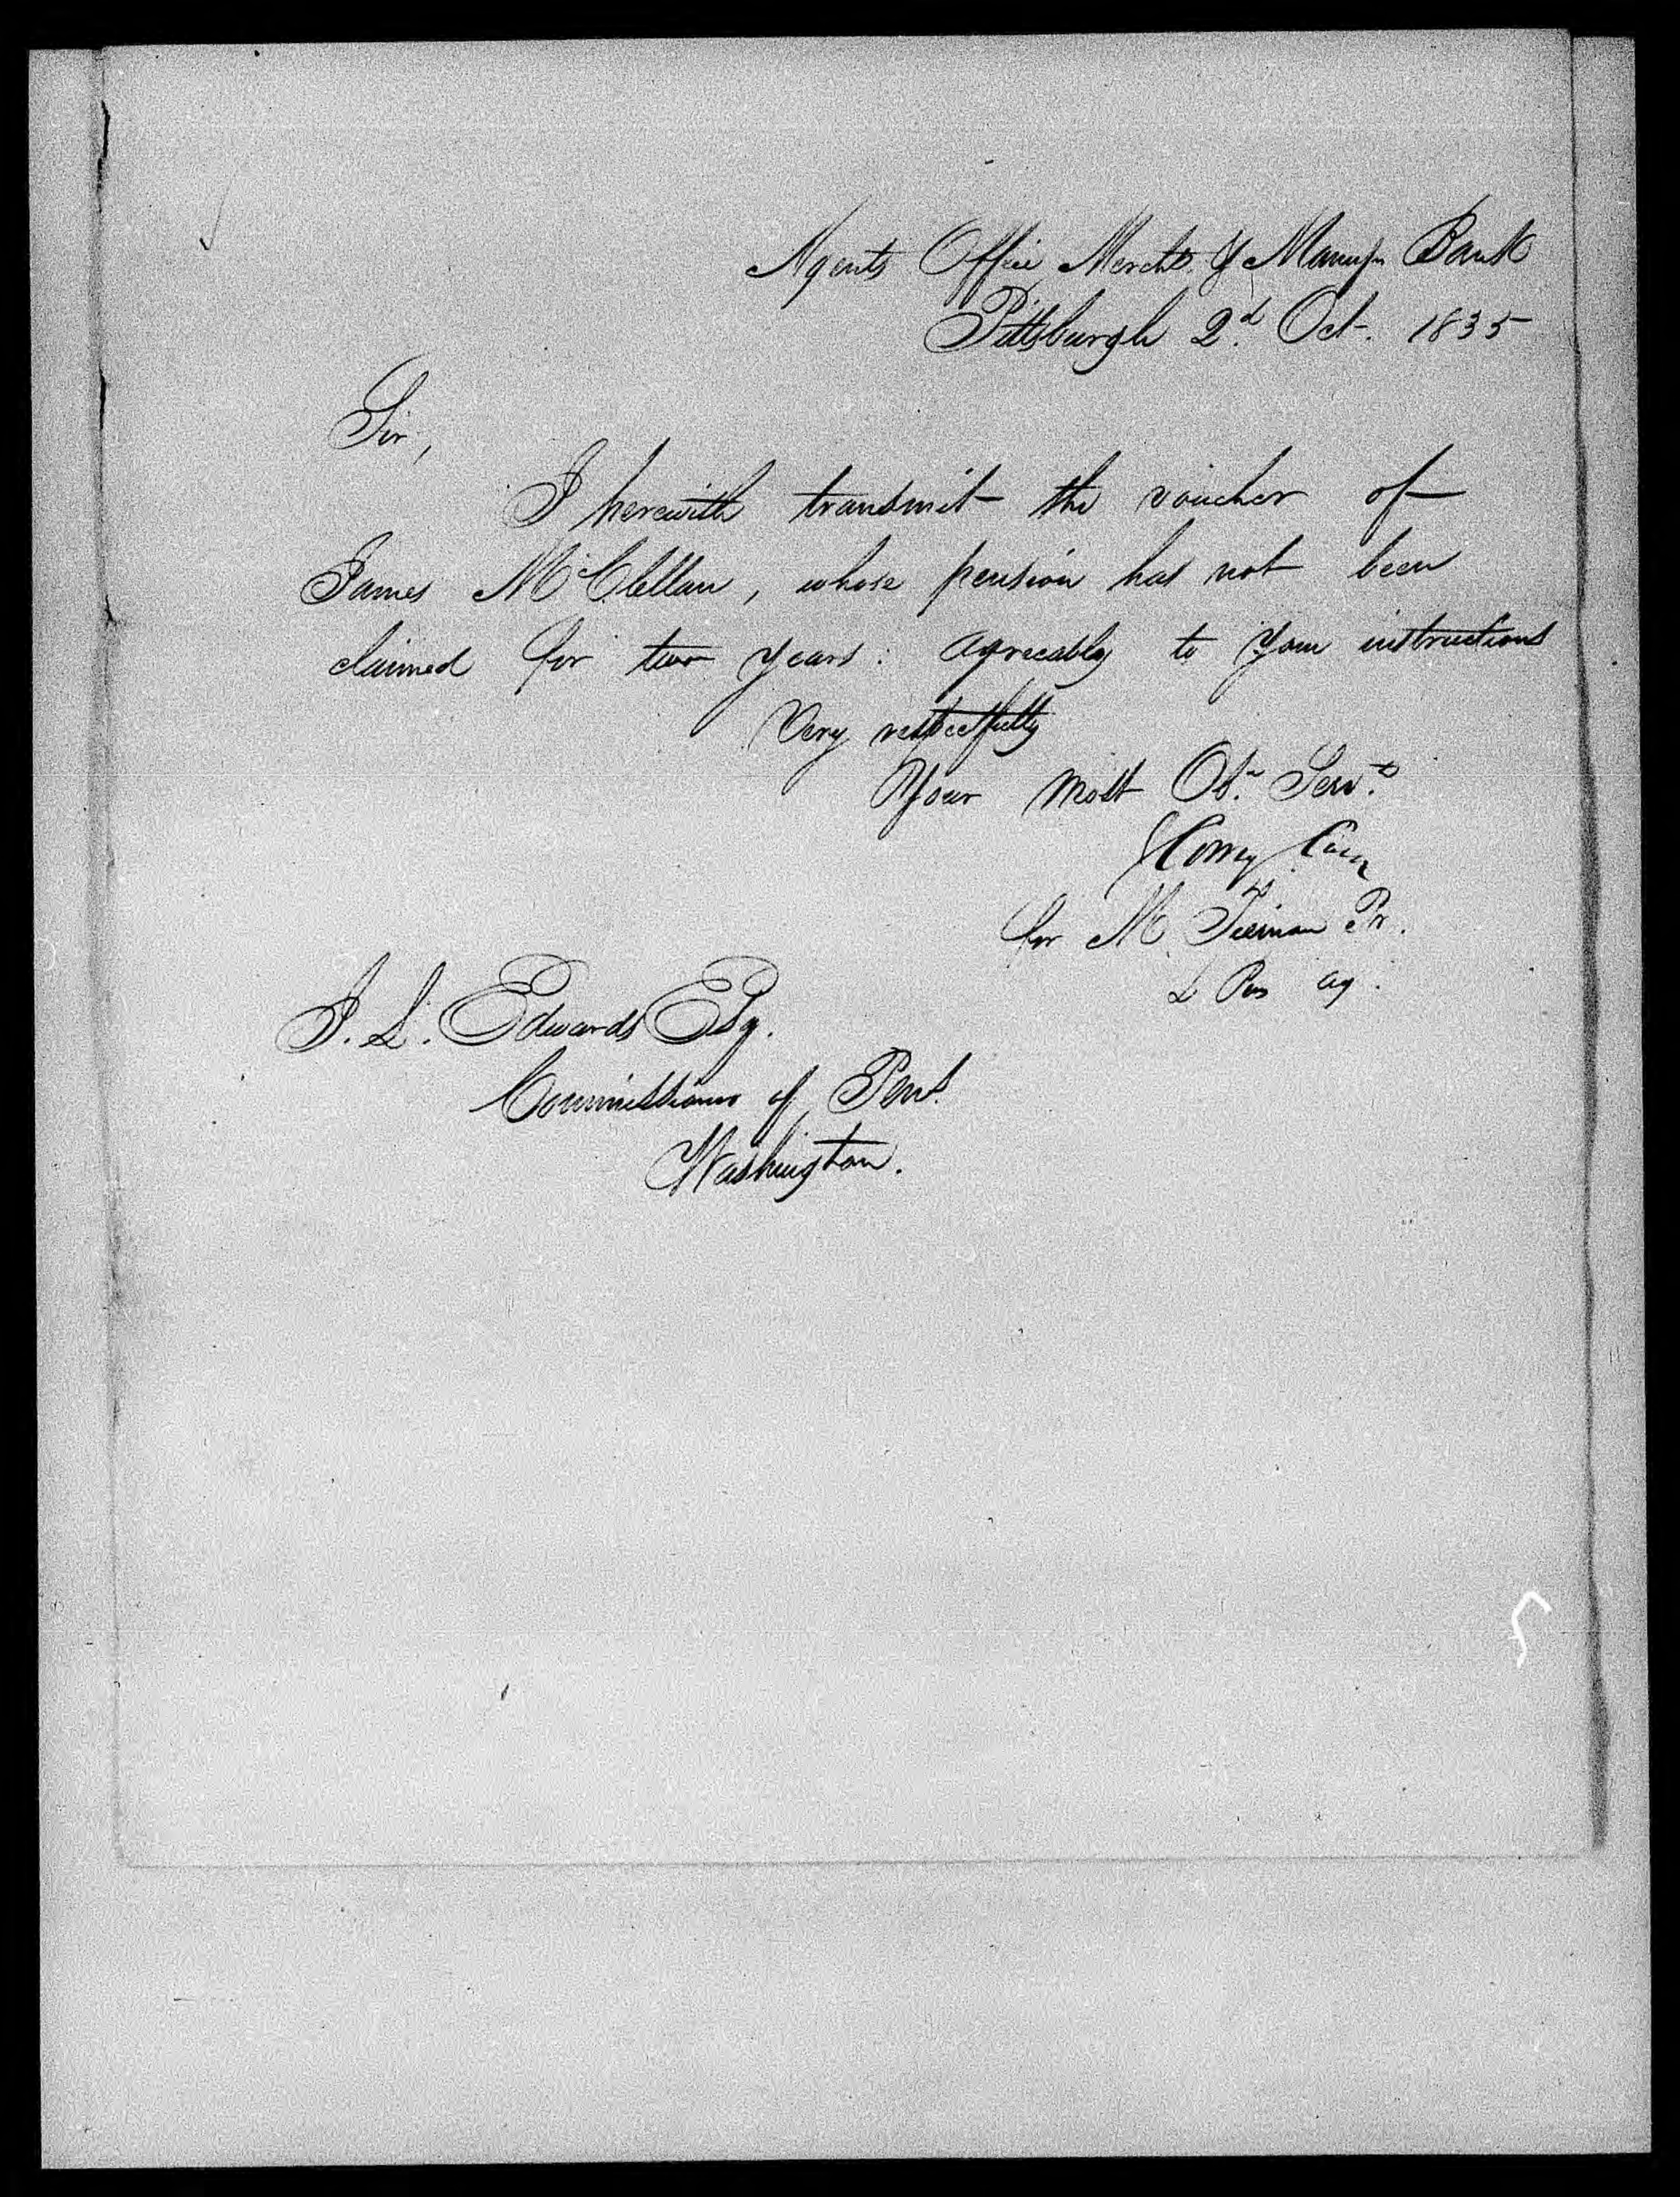Agent's Office, Mercht and Manuf Bank
Pittsburgh   2nd Oct 1835

Sir:

I herewith transmit the voucher of James McClellan whose pension has not been claimed for two years.  Agreeably to your instructions.

Very respectfully

Your Most Ob Servt
[illegible]

J L Edwards, Esq
Commissioner of Pens
Washington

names: J Correy; J L Edwards; M Tiernan; James Mc Clellan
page: 9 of 16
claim: survivor's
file: S. 2764, for James Mc Clellan, Pennsylvania